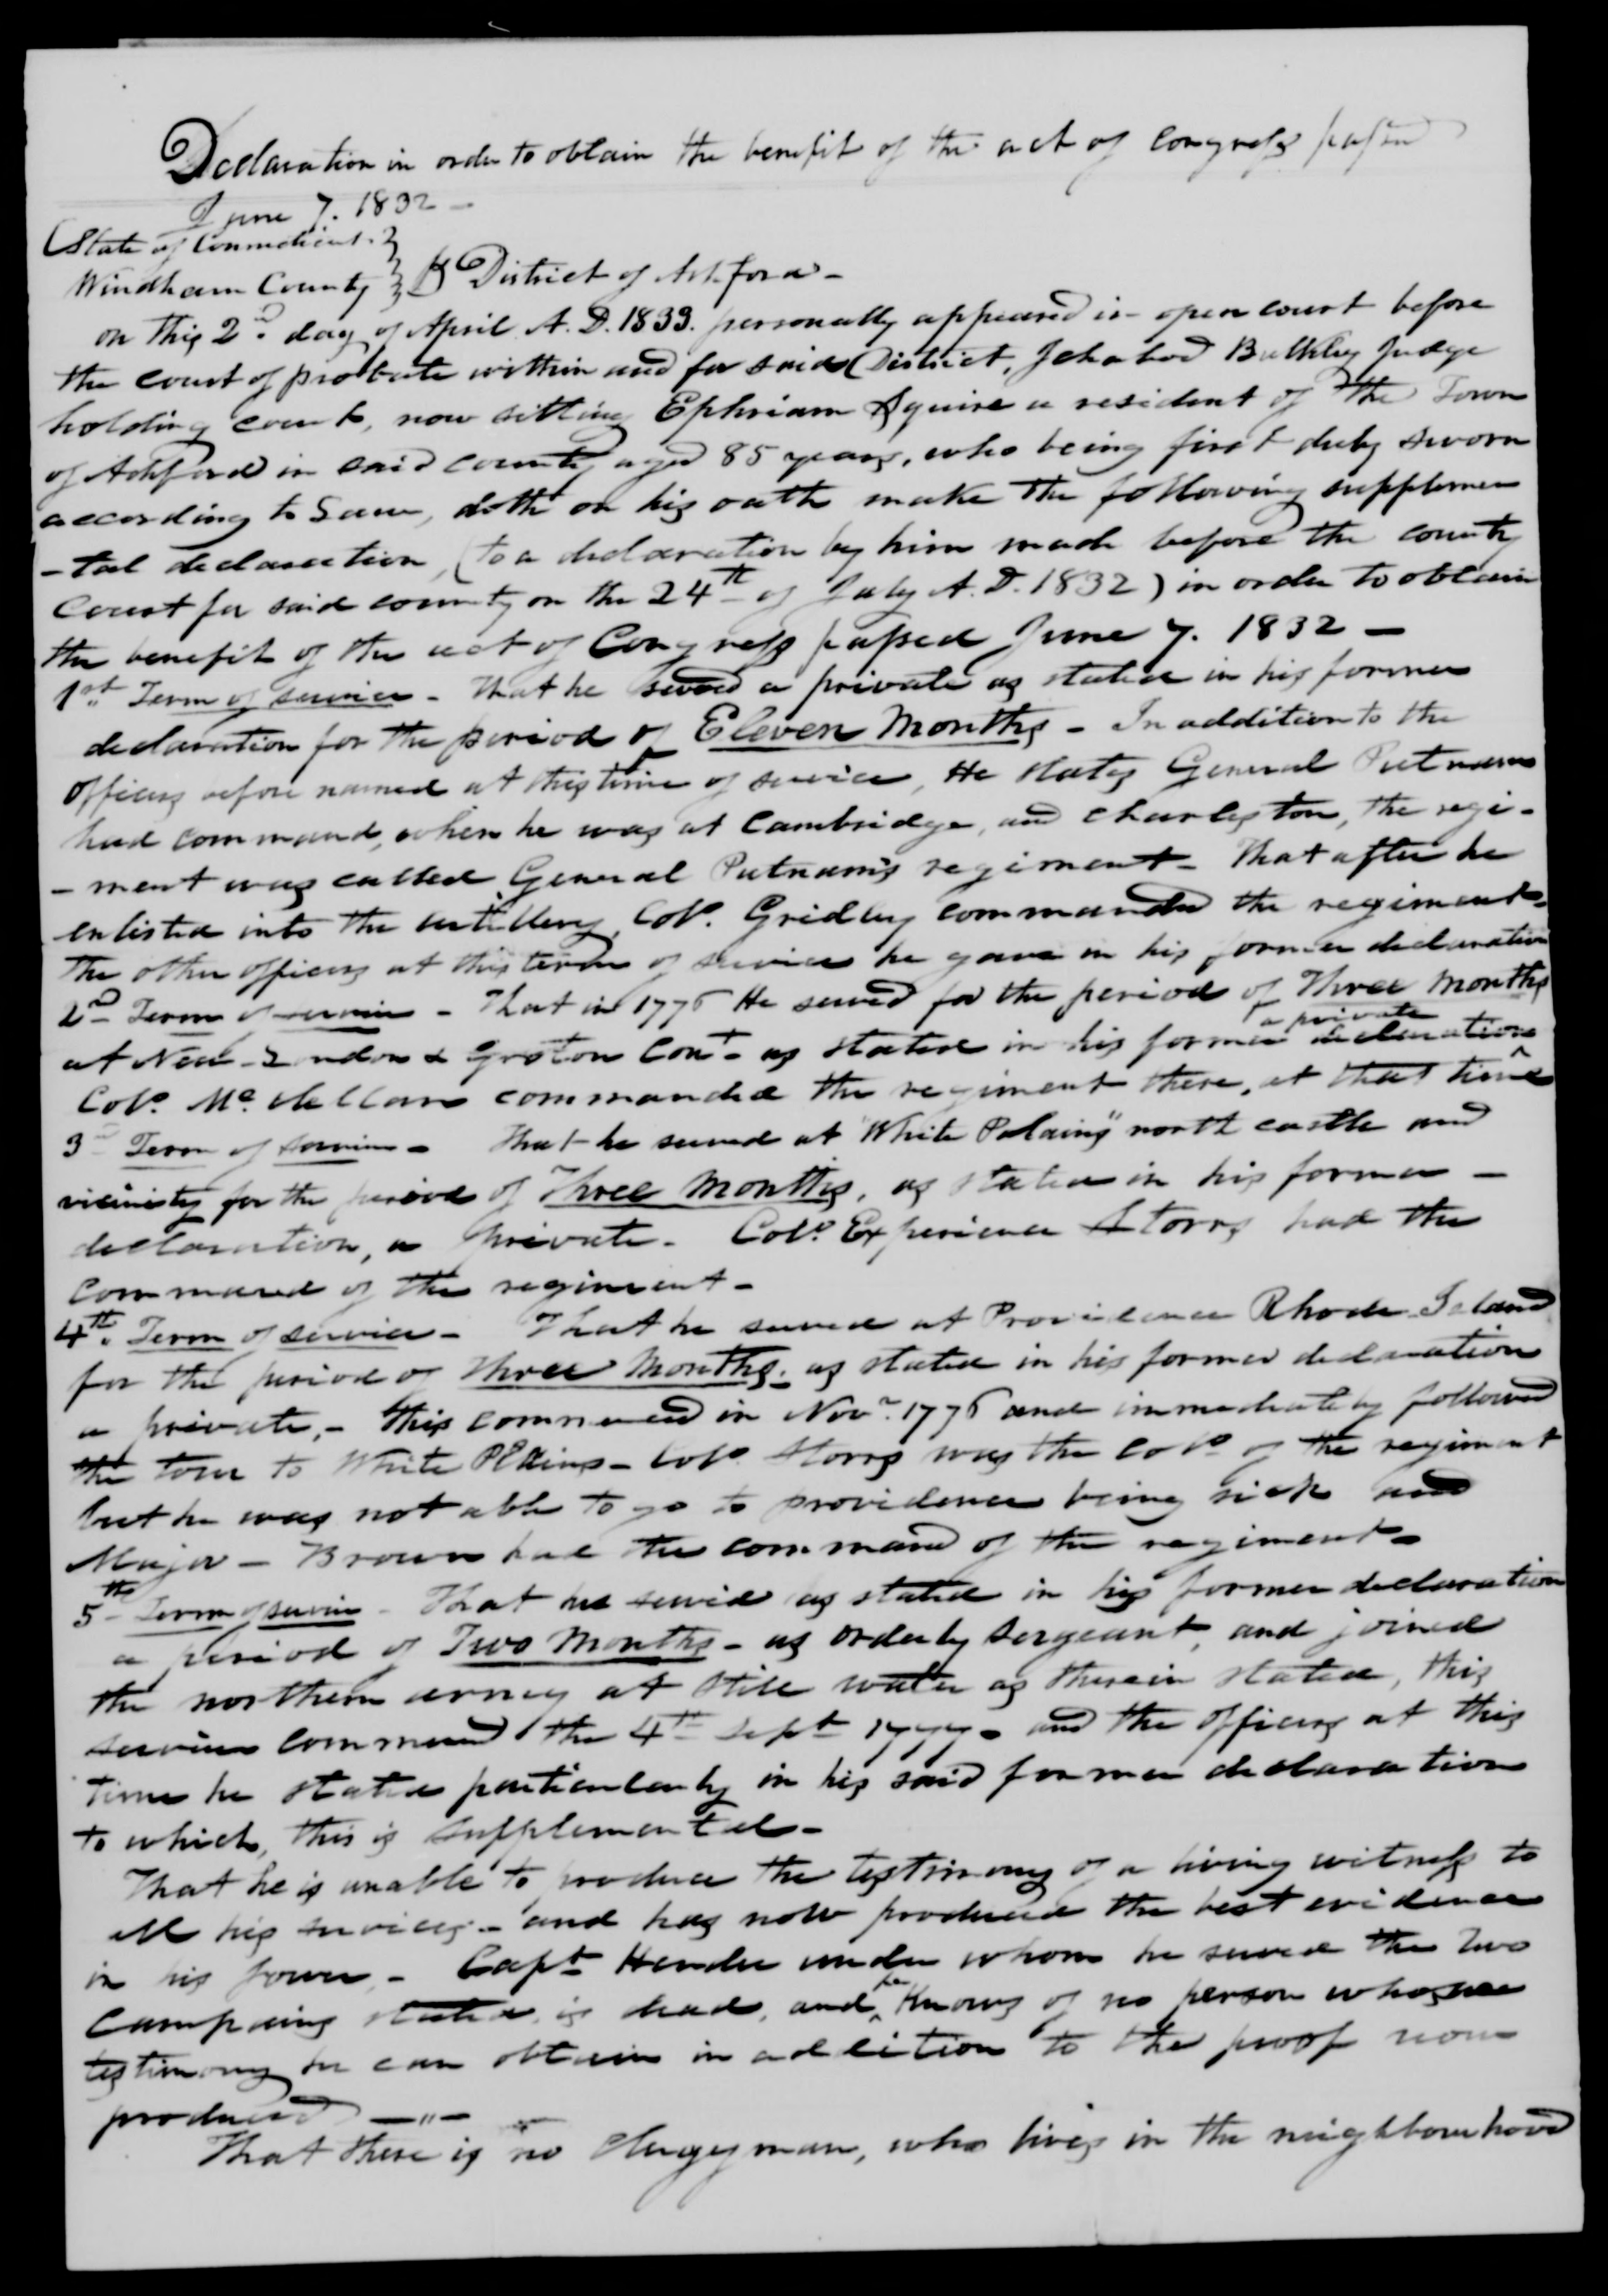Declaration in order to obtain the benefit of the act of Congress passed June 7, 1832-
State of Connecticut}
Windham County}  District of Ashford
On this 2d day of April A.D. 1833 personally appeared in open court before the Court of Probate within and for said District, Ichabod Bulkley Judge holding Court, now sitting Ephriam [Ephraim] Squire a resident of the Town of Ashford in said County aged 85 years, who being first duly sworn according to law, doth on his oath make the following supplemental declaration (to a declaration by him made before the County Court for said county on the 24th of July A.D. 1832) in order to obtain the benefit of the act of Congress passed June 7, 1832 - 1st Term of service - that he served as private as stated in his former declaration for the period of Eleven Months. In addition to the
officers before named at this time of service, He states General Putnam had command, when he was at Cambridge, and Charleston, the regiment was called General Putnam's regiment. That after he enlisted into the Artillery Col. Gridley commanded the regiment.  The other officers at this term of service he gave in his former declaration.
2nd Term of Service - That in 1776 he served for the period of three months at New London & Groton Con [Connecticut] as stated in his former declaration as private.  Col. McClellan commanded the regiment there, at that time.
3rd Term of Service - That he served at "White Plains" north castle and vicinity for the period of three months, as stated in his former declaration, as private. Col. Experience Storrs had the command of the regiment.
4th Term of Service - That he served at Providence Rhode Island for the period of three months, as stated in his former declaration, as private.  This commenced in Nov. 1776 and immediately followed
the town to White Plains.  Col. Storrs was the Col. [Colonel] of the regiment but he was not able to go to Providence being sick and Major Brown had the command of the regiment
5th Term of Service - That his service as stated in his former declaration as private a period of two months - as orderly Sergeant, and joined
the northern army at Still water as therein stated, this service commenced the 4th Sept 1777 and the officers at this time he stated particularly in his said former declaration
to which this is supplemental.
That he is unable to produce the testimony of a living witness to all his services, and has now produced the best evidence in his power. Capt. Hender under whom he served the two
campains [campaigns] states is dead and he knows of no person who has testimony he can obtain in addition to the proof now produced.
That there is no clergyman, who lives in the neighborhood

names: [BLANK] Brown; [BLANK] Hender; [BLANK] Gridley; [BLANK] Mc Clellan; [BLANK] Putnam; Experience Storrs; [BLANK] Groton; Ichabod Bulkley; Ephriam Squire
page: 6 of 70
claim: rejected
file: R. 10,026, for Ephraim Squier, Connecticut